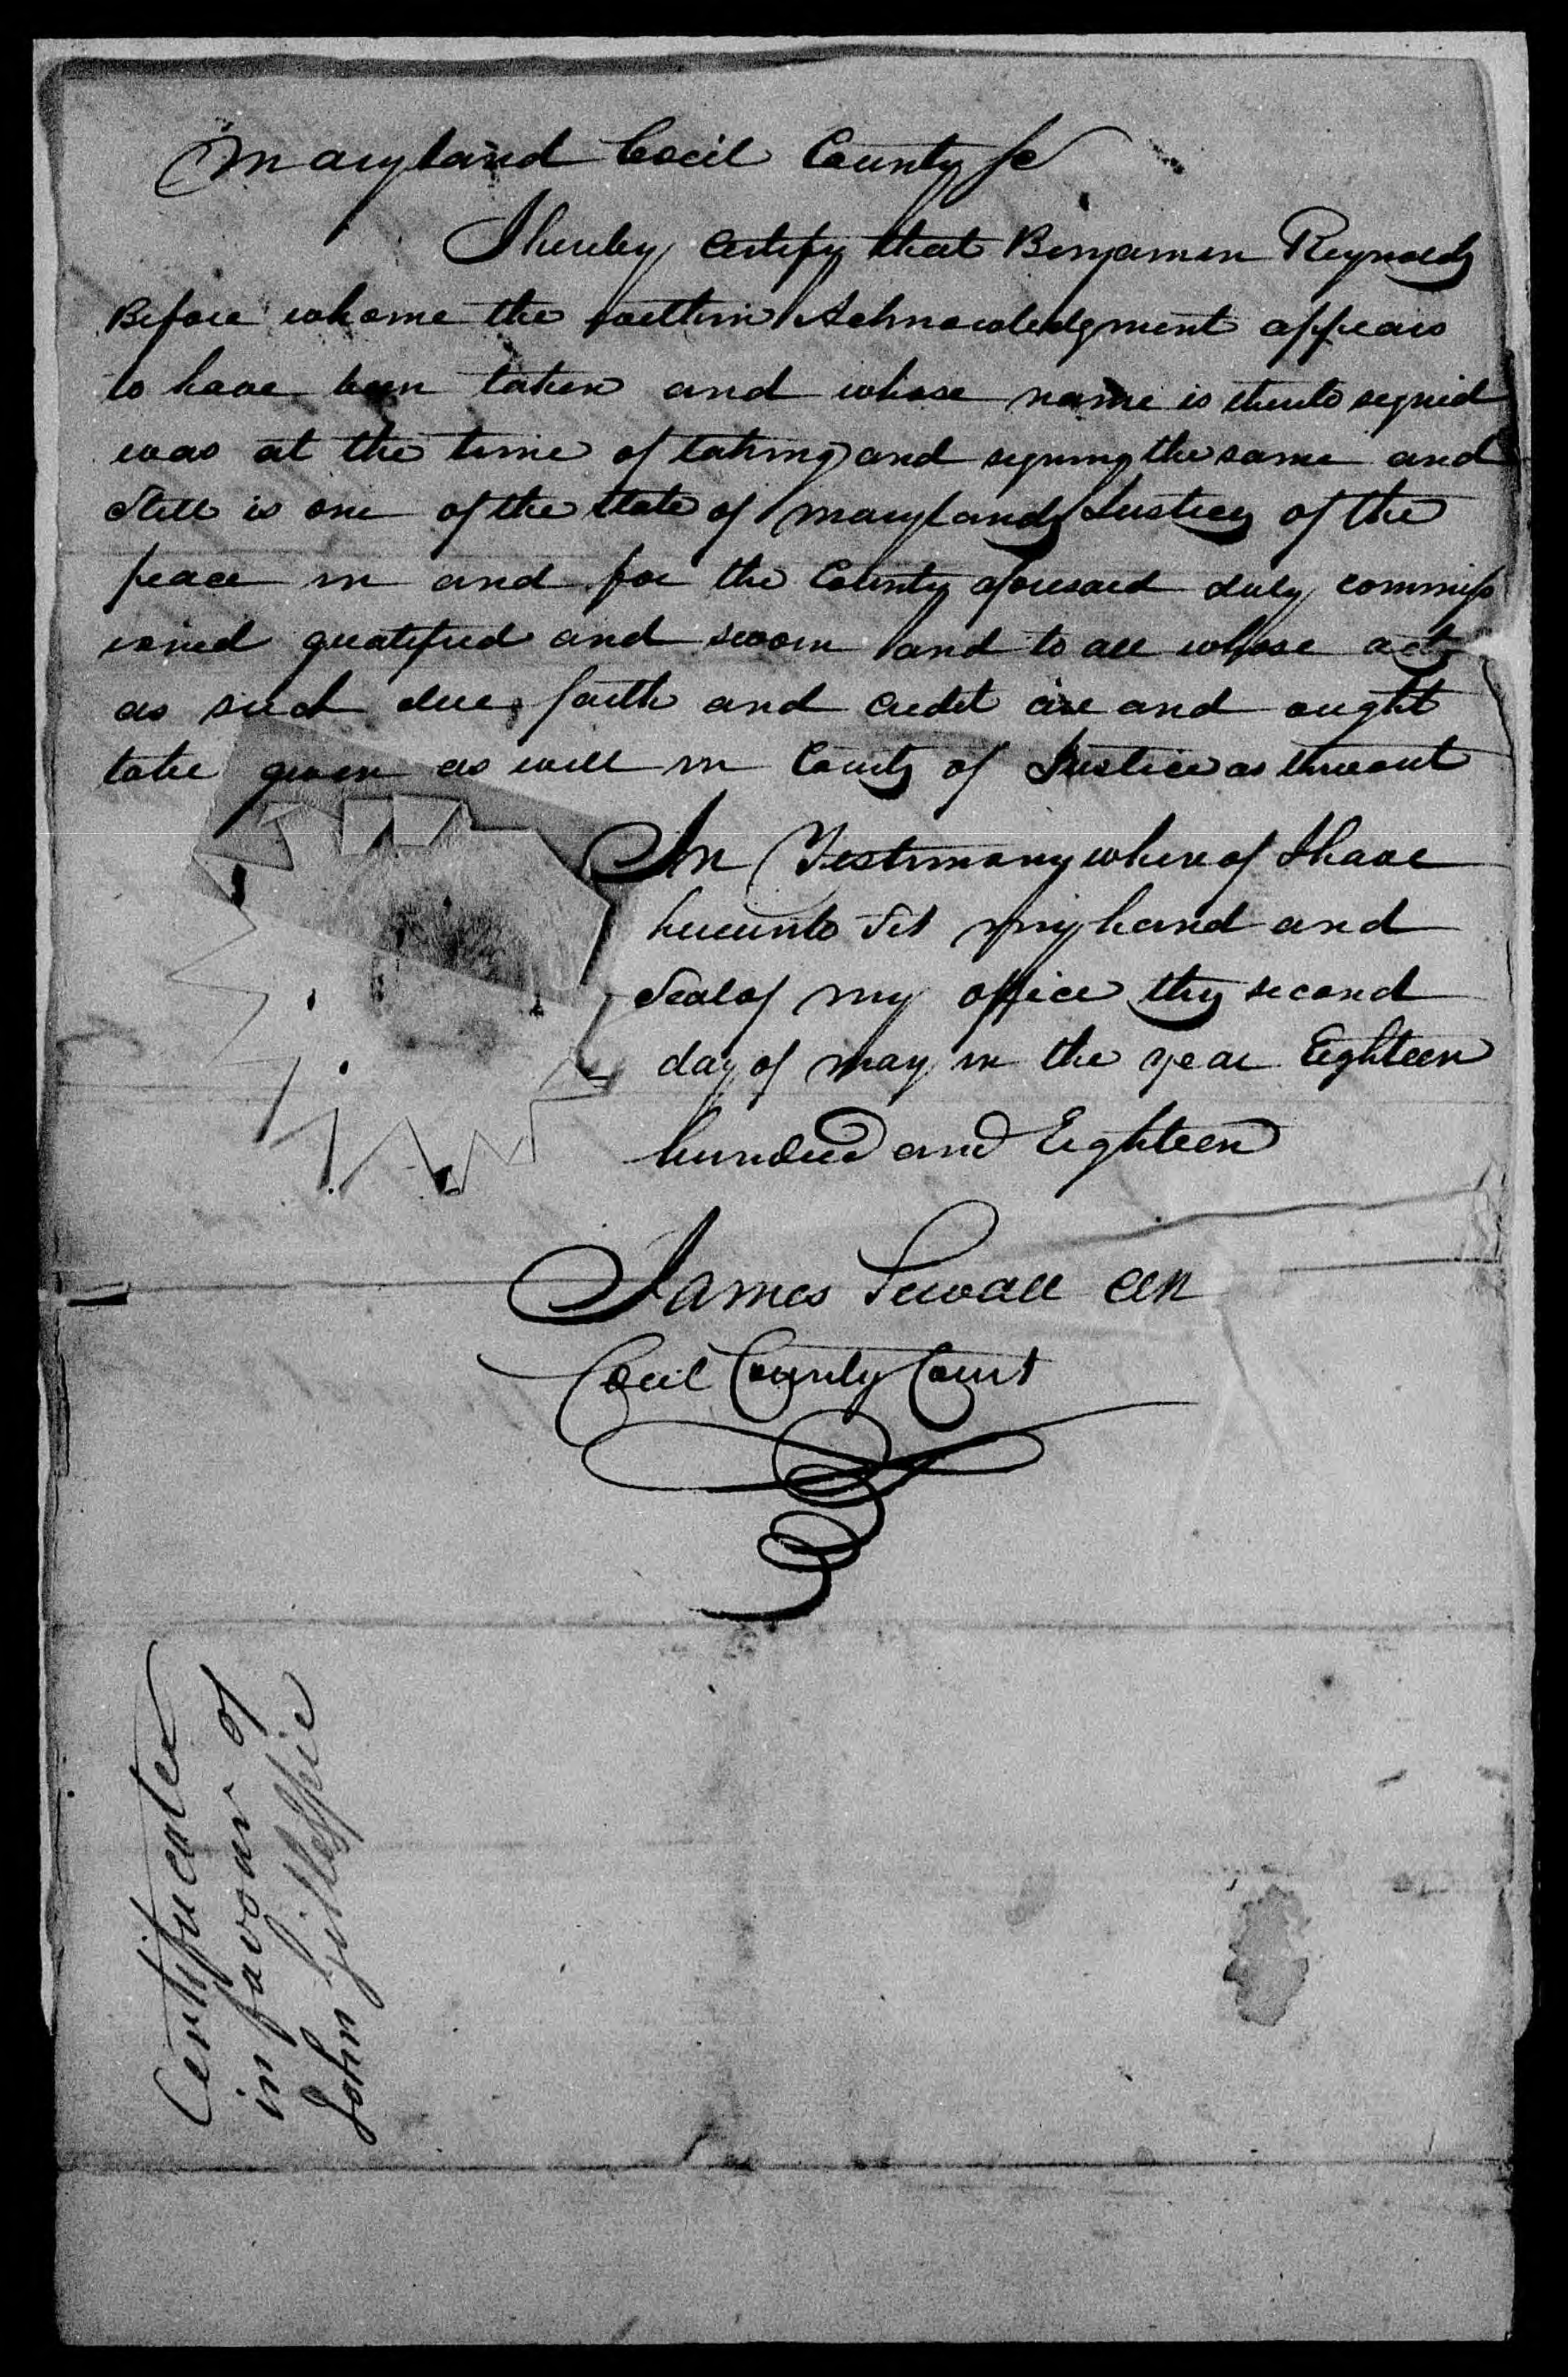Maryland Cecil County
I hereby certify that Benjamin Reynolds Before whom the [illegible] Acknowledgment appears to have been taken and whose name is thereto signed was at the time of taking and signing the same and Still is one of the State of maryland, Justice of the peace in and for the County aforesaid duly commissioned qualified and sworn and to all whose acts as such due faith and credit are and ought to be given as will in Court of Justice as throughout.
In testimony whereof I have hereunto set my hand and seal of my office this second day of may in the year Eighteen hundred and Eighteen
James Sewall
Cecil County Court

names: John Gillespie, Benjamin Reynolds, James Sewall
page: 16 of 20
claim: survivor's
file: S. 41581, John Gillespie, Continental Del.